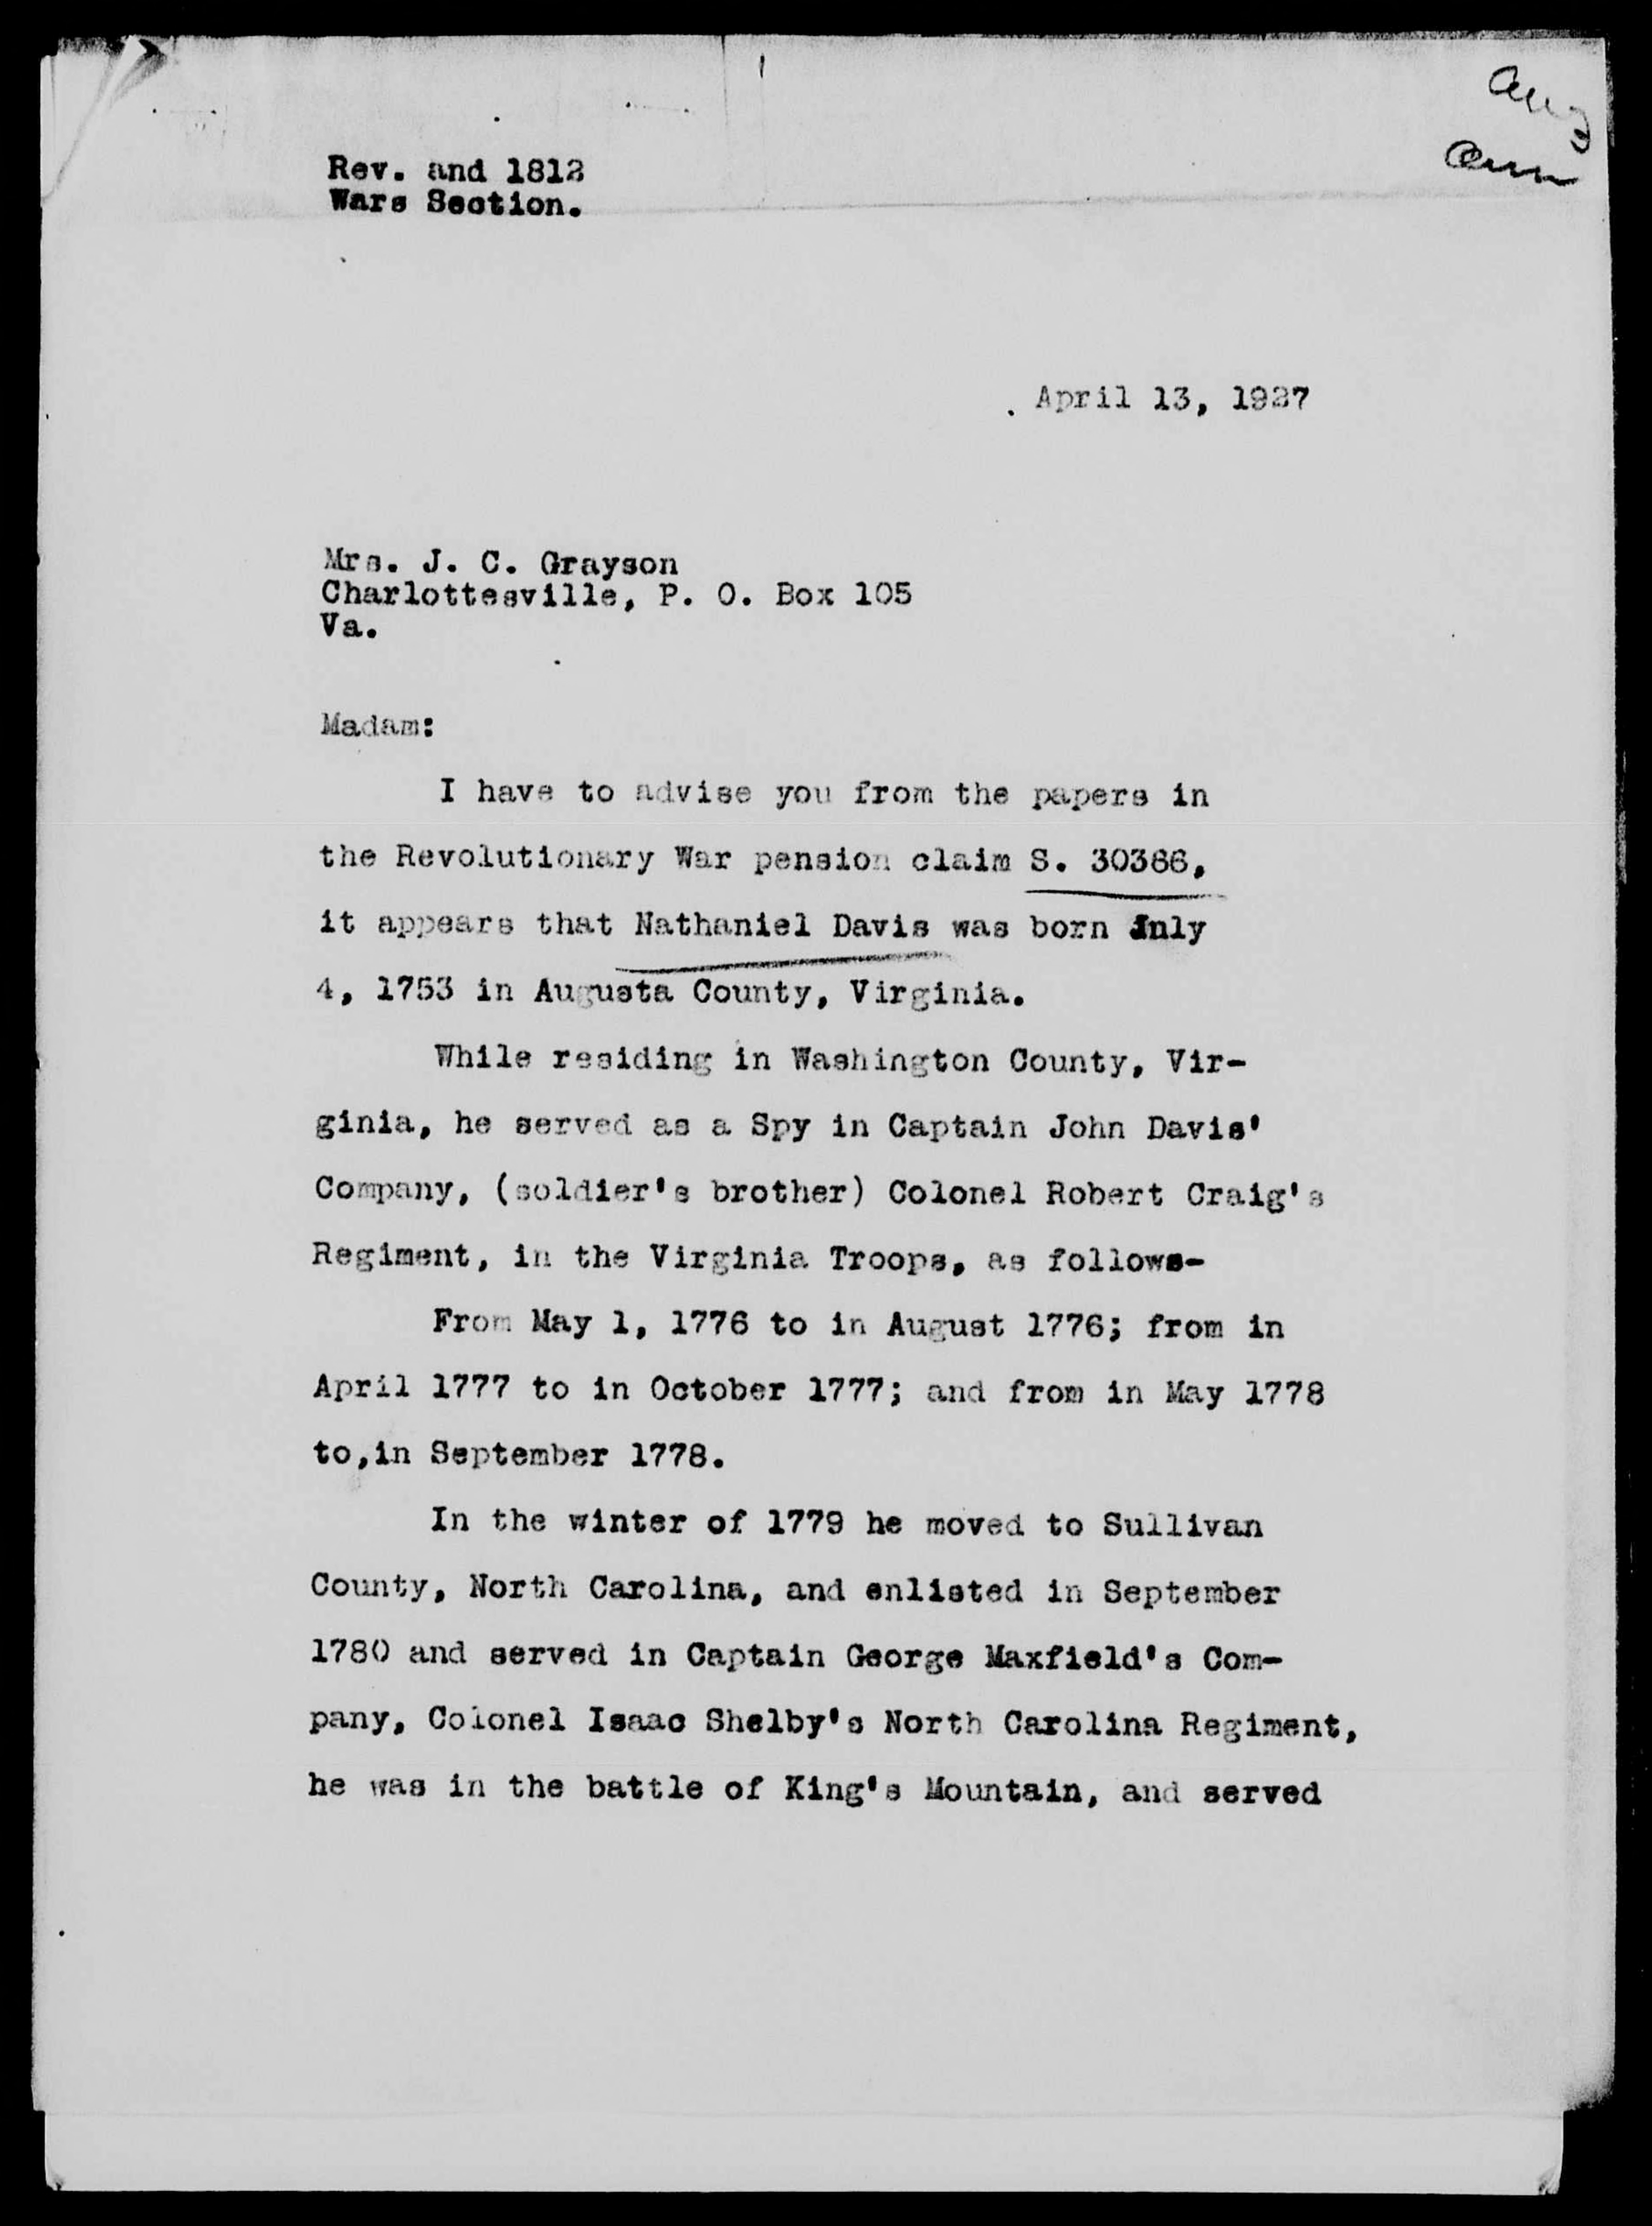AWF
Rev. and 1812
Wars Section.

April 13, 1927

Mrs. J. C. Grayson
Charlottesville, P. O. Box 105
Va.

Madam:
I have to advise you from the papers in
the Revolutionary War pension claim S. 30366,
it appears that Nathaniel Davis was born July
4, 1753 in Augusta County, Virginia.
While residing in Washington County, Virginia, he served as a Spy in Captain John Davis' Company, (soldier's brother) Colonel Robert Craig's Regiment, in the Virginia Troops, as follows-
From May 1, 1776 to in August 1776; from in April 1777 to in October 1777; and from in May 1778 to in September 1778.
In the winter of 1779 he moved to Sullivan County, North Carolina, and enlisted in September 1780 and served in Captain George Maxfield's Company, Colonel Isaac Shelby's North Carolina Regiment, he was in the battle of King's Mountain, and served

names: Nathaniel Davis, J C Grayson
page: 11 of 18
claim: survivor's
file: S. 30,366, Nathaniel Davis, N.C. Va.